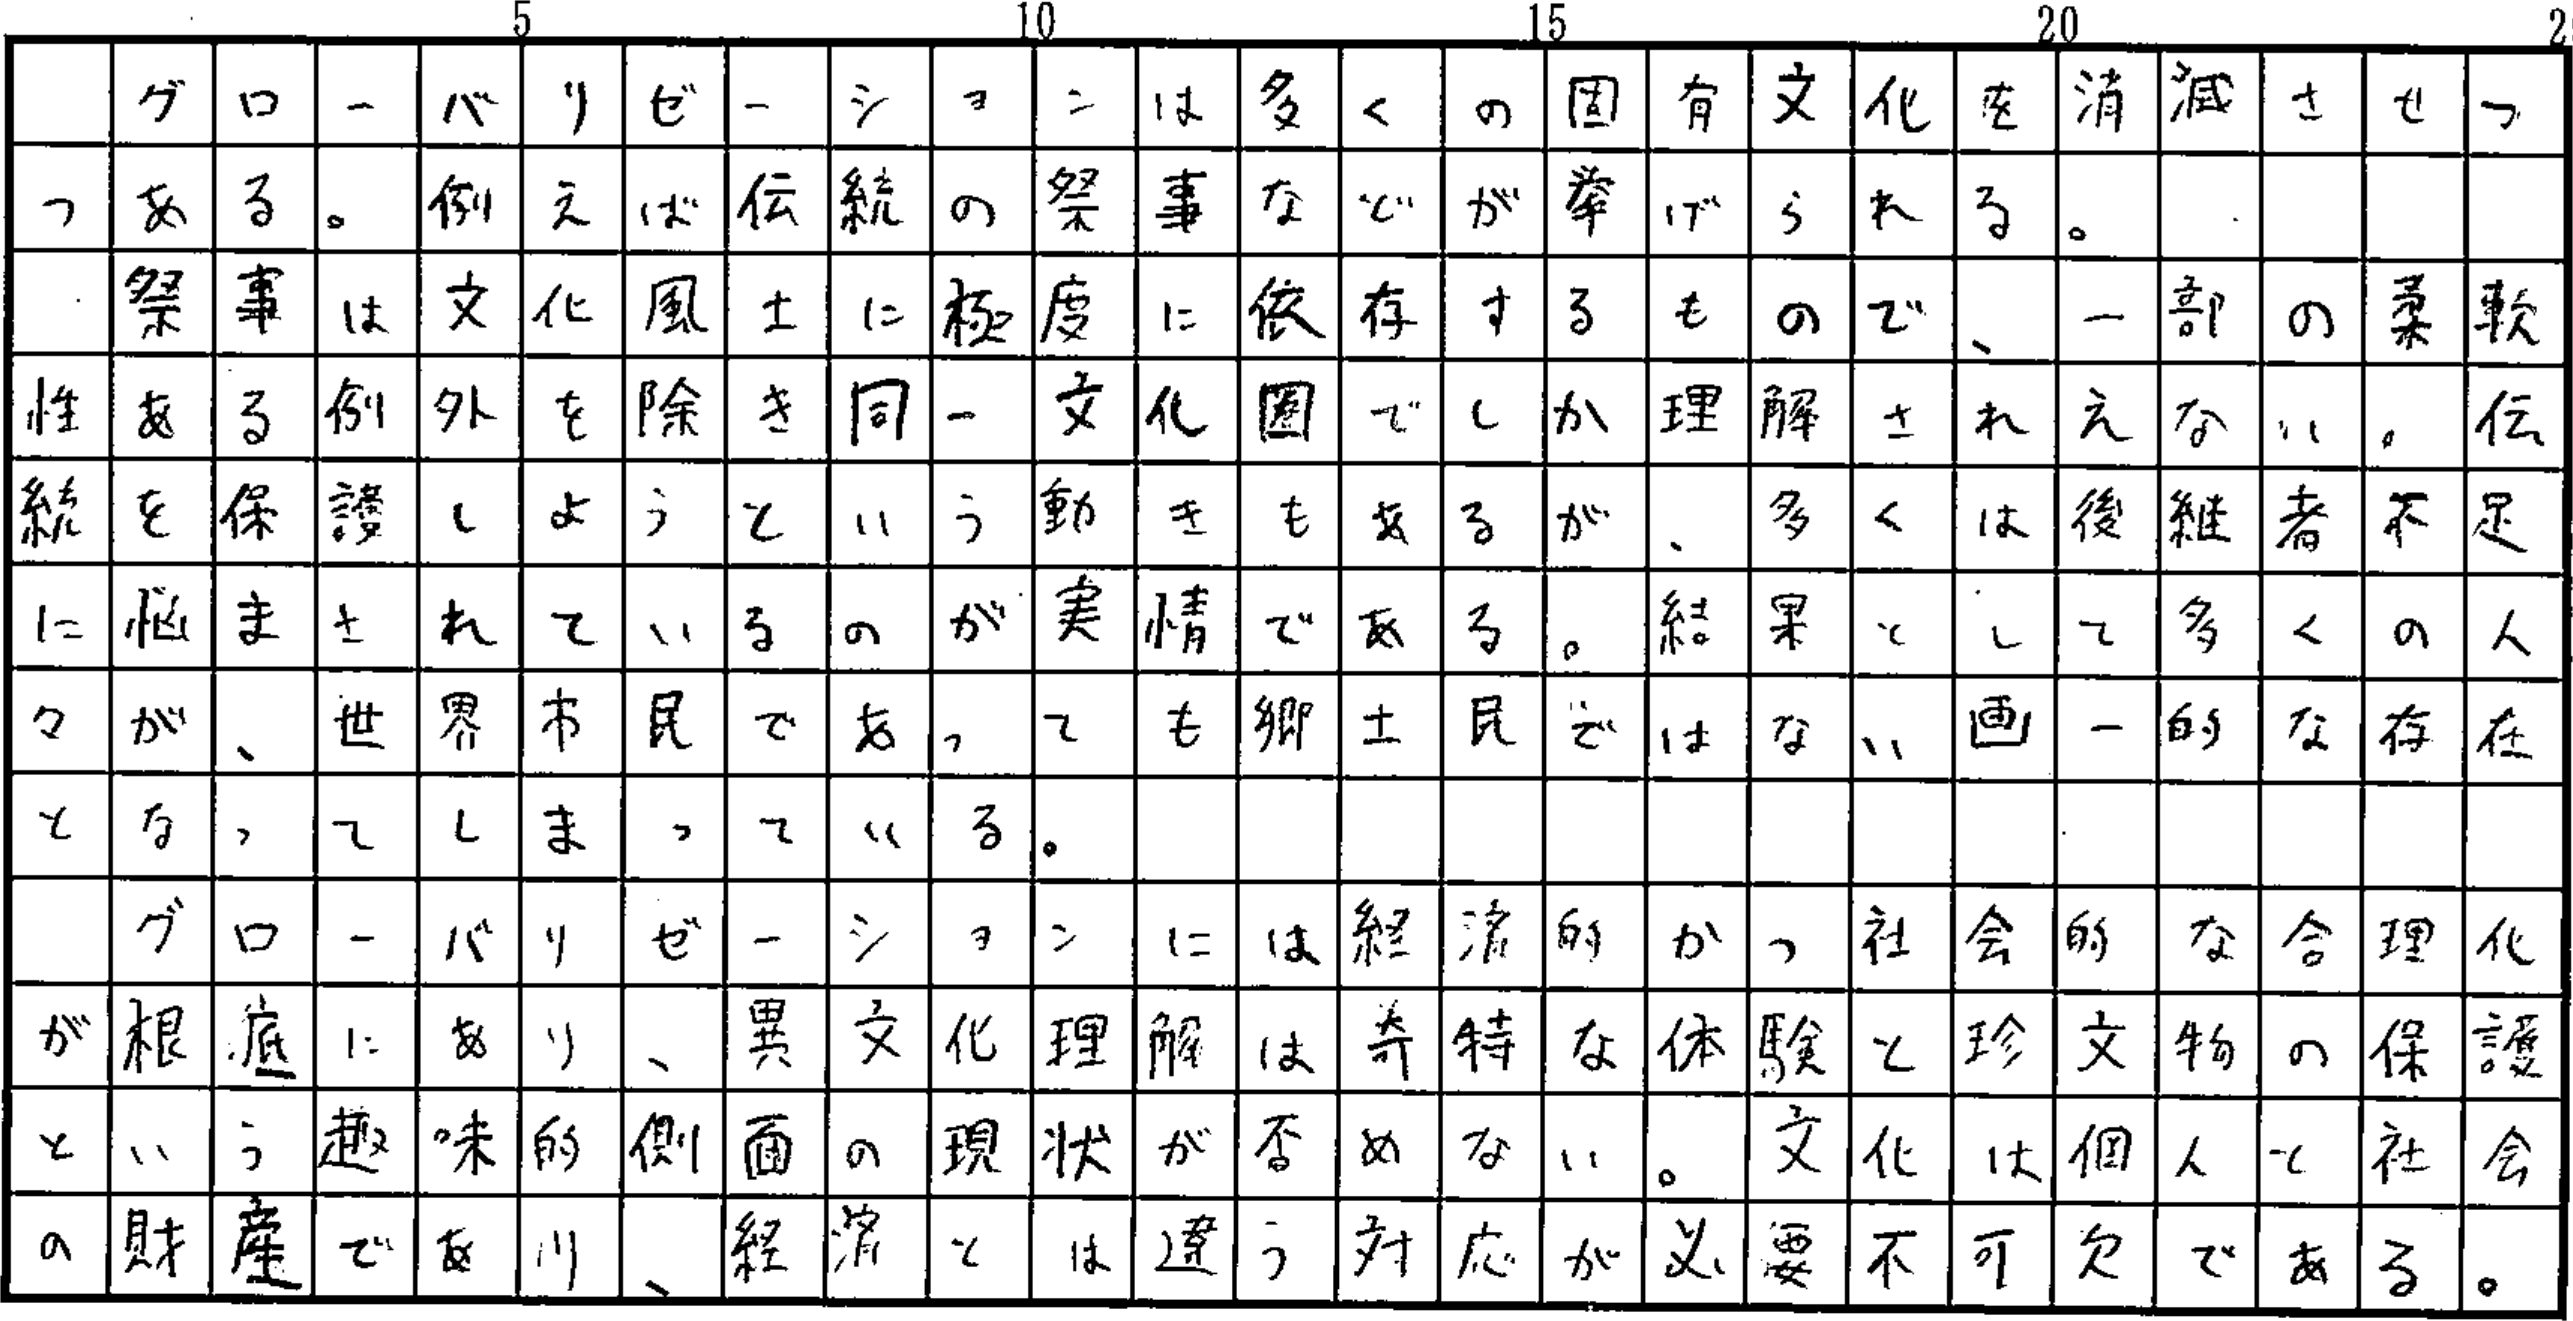　グローバリゼーションは多くの固有文化を消滅させつつある。例えば伝統の祭事などが挙げられる。
　祭事は文化風土に極度に依存するもので、一部の柔軟性ある例外を除き同一文化圏でしか理解されえない。伝統を保護しようという動きもあるが、多くは後継者不足に悩まされているのが実情である。結果として多くの人々が、世界市民であっても郷土民ではない画一的な存在となってしまっている。
　グローバリゼーションには経済的かつ社会的な合理化が根底にあり、異文化理解は奇特な体験と珍文物の保護という趣味的側面の現状が否めない。文化は個人と社会の財産であり、経済とは違う対応が必要不可欠である。
